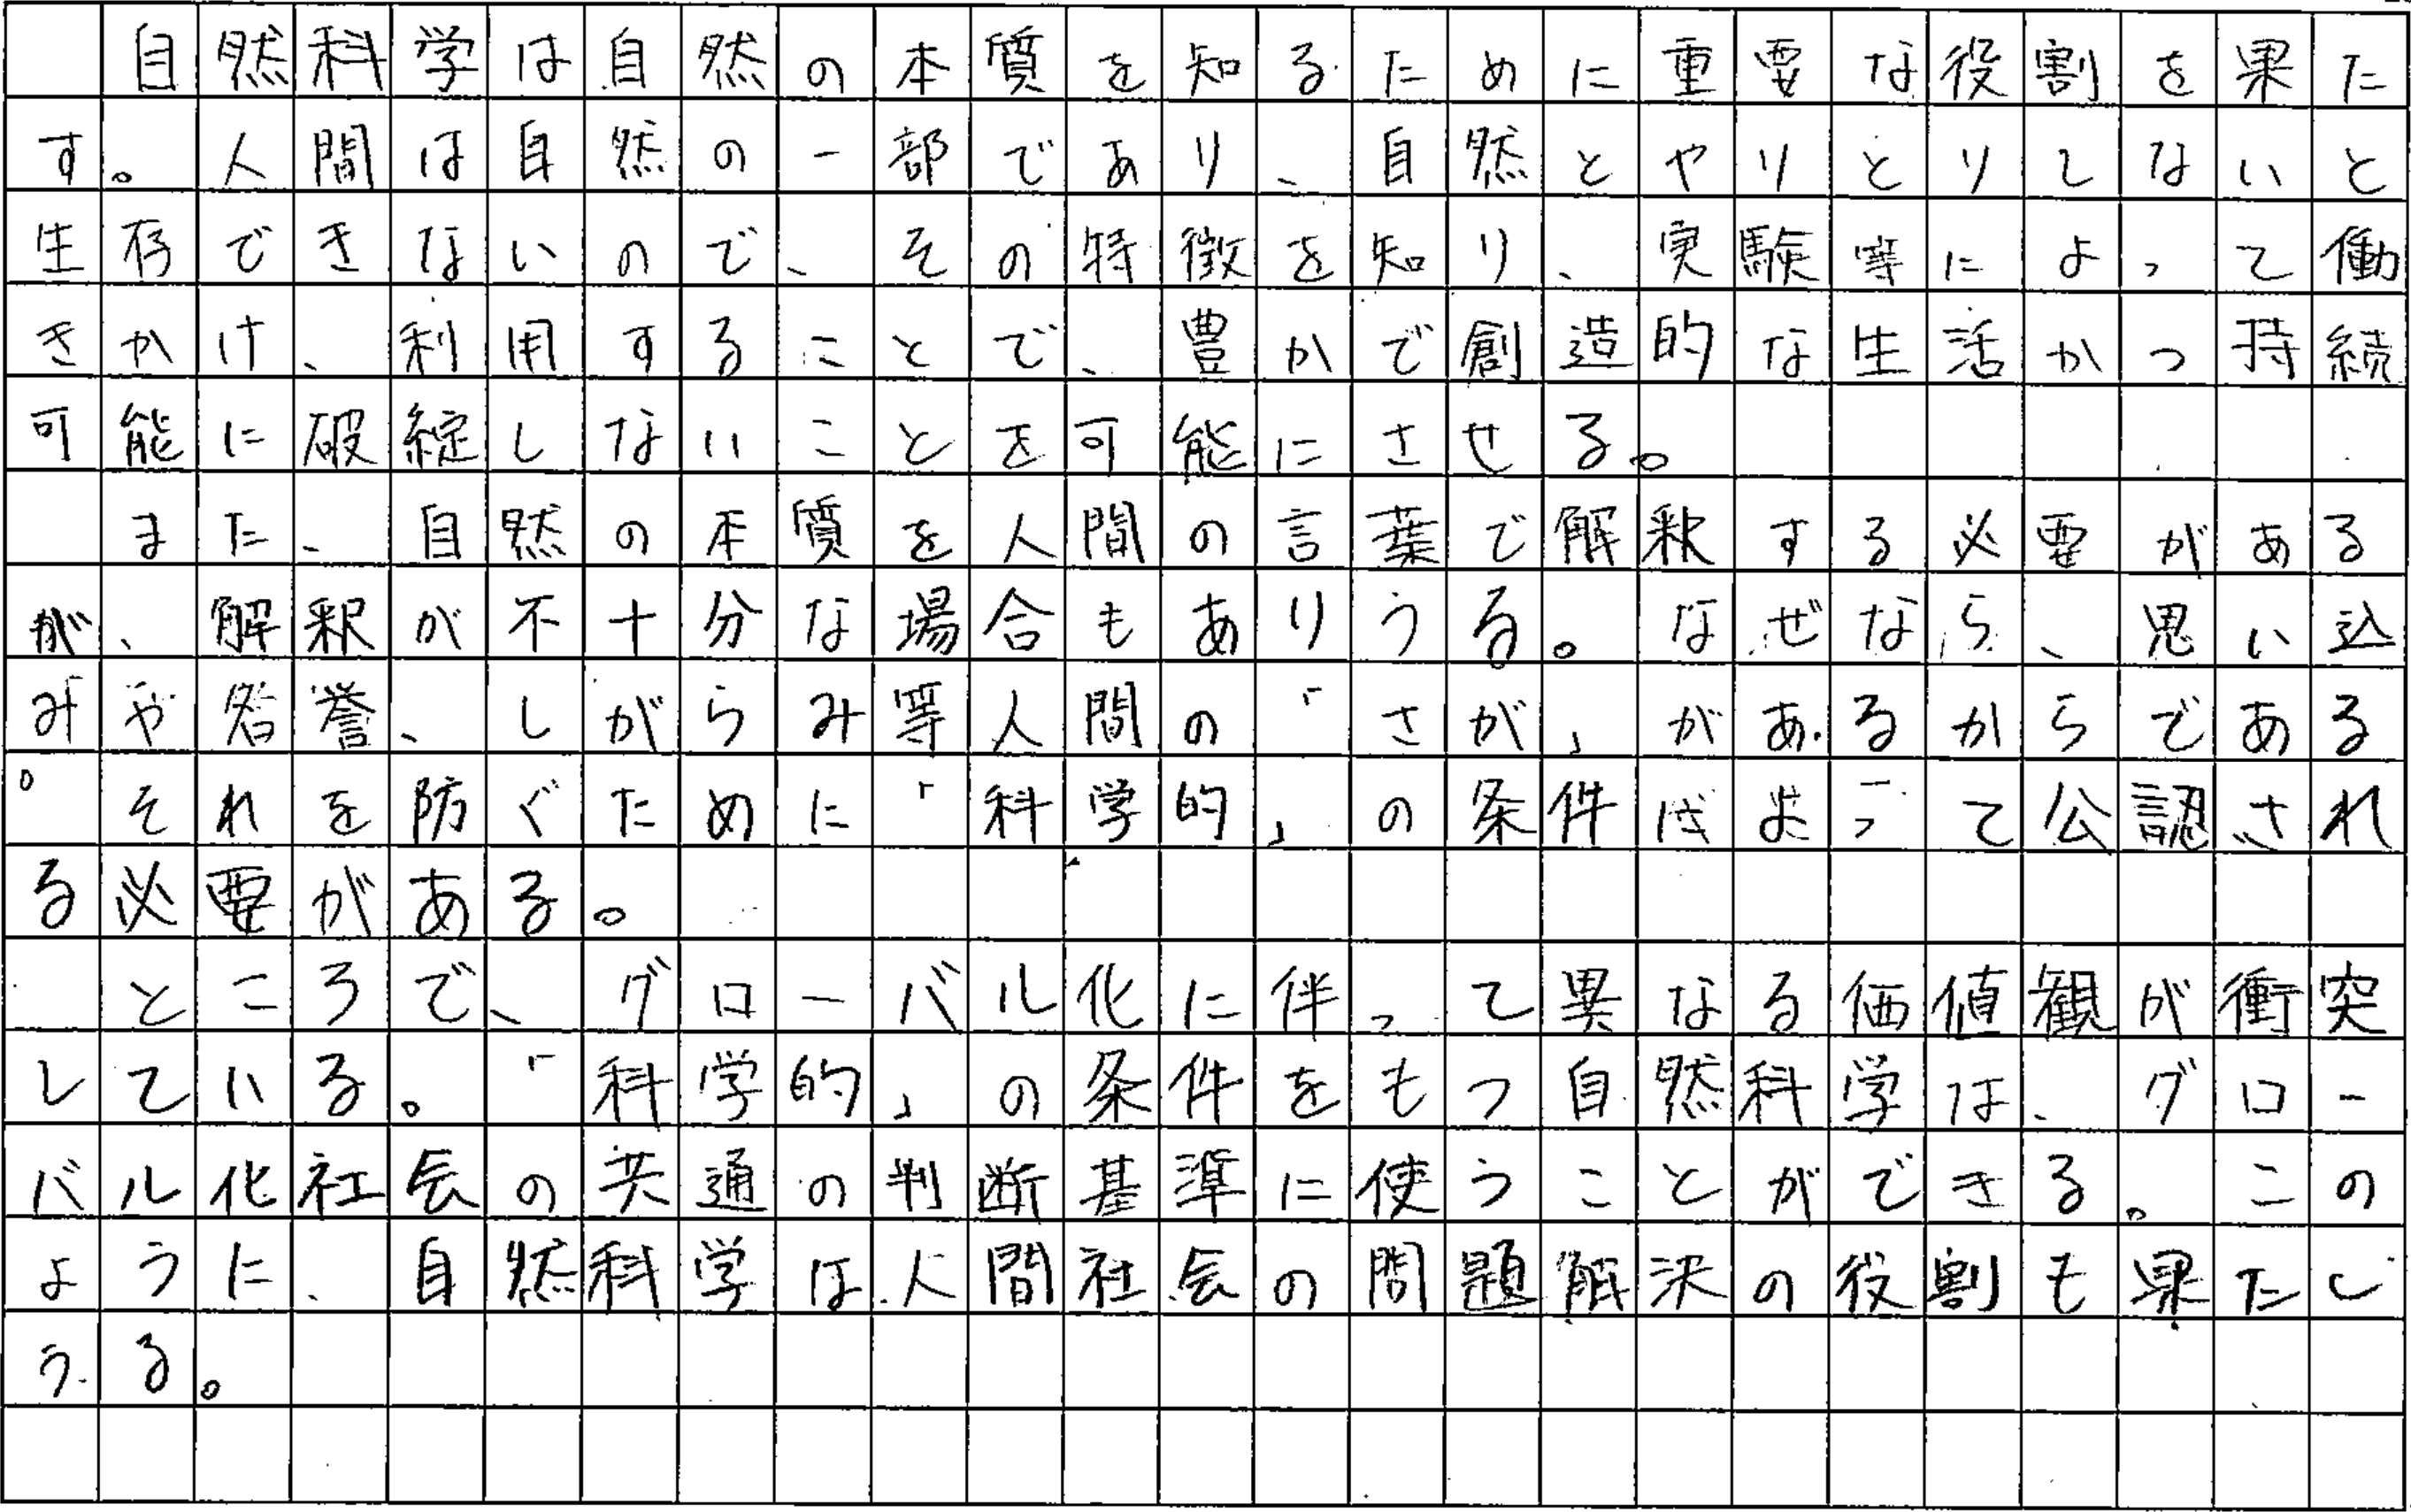　自然科学は自然の本質を知るために重要な役割を果たす。人間は自然の一部であり、自然とやりとりしないと生存できないので、その特徴を知り、実験等によって働きかけ、利用することで、豊かで創造的な生活かつ持続可能に破綻しないことを可能にさせる。
　また、自然の本質を人間の言葉で解釈する必要があるが、解釈が不十分な場合もありうる。なぜなら、思い込みや名誉、しがらみ等人間の「さが」があるからである。それを防ぐために「科学的」の条件によって公認される必要がある。
　ところで、グローバル化に伴って異なる価値観が衝突している。「科学的」の条件をもつ自然科学は、グローバル化社会の共通の判断基準に使うことができる。このように、自然科学は人間社会の問題解決の役割も果たしうる。
